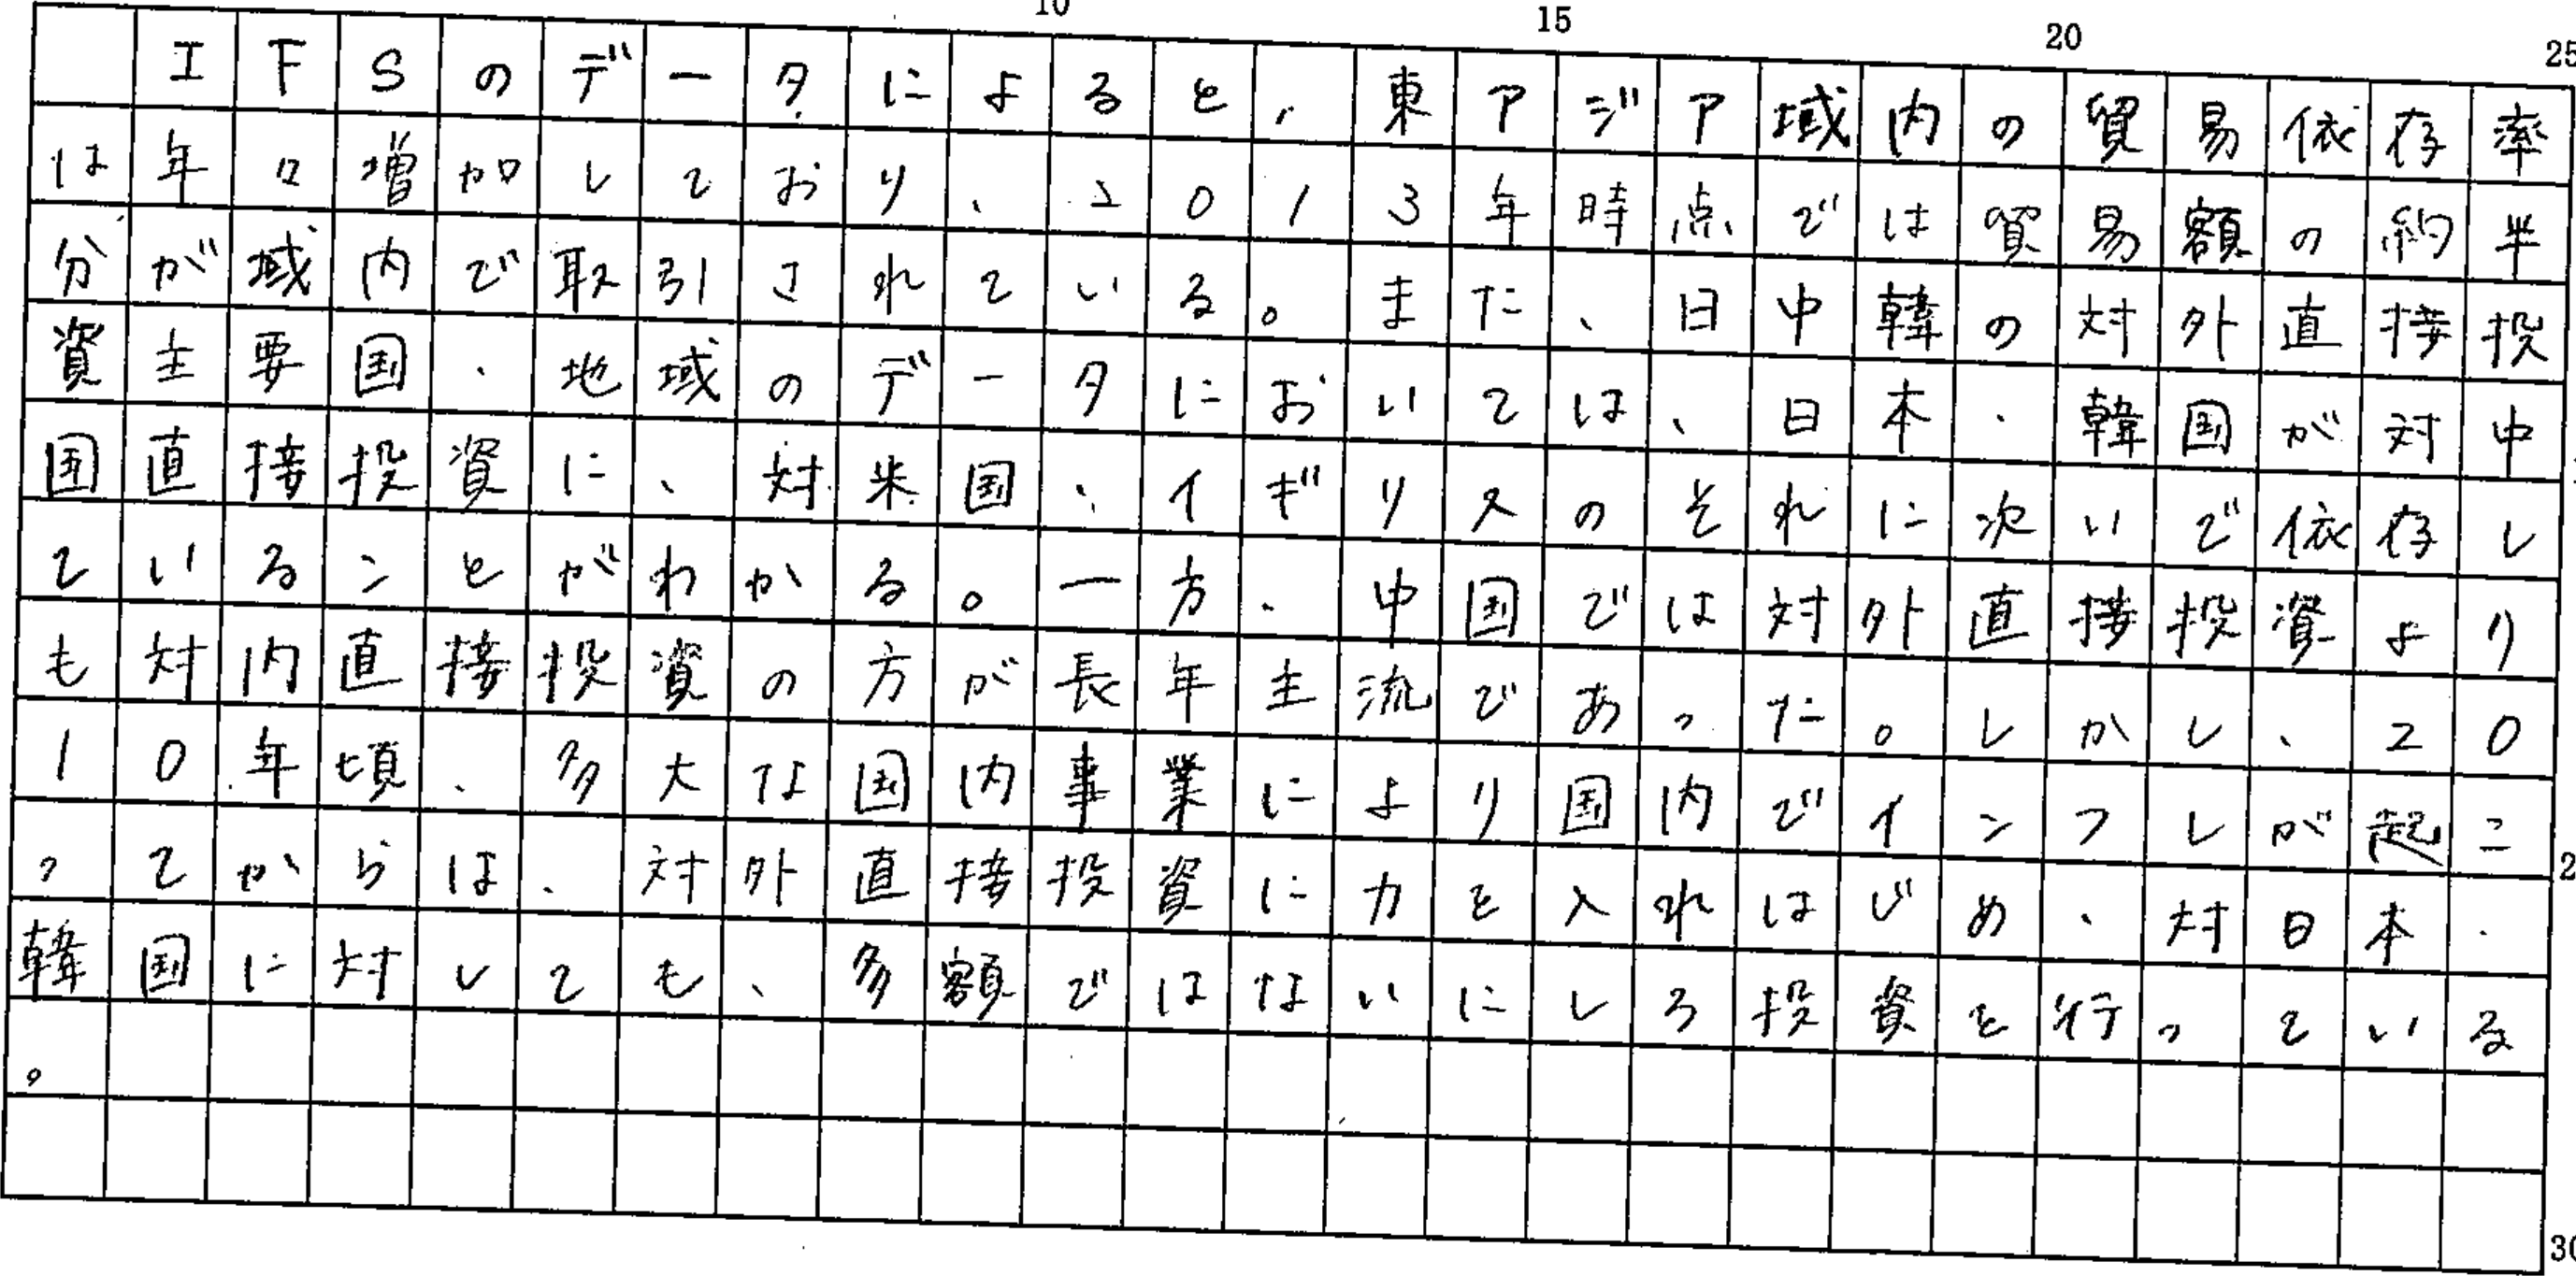　ＩＦＳのデータによると，東アジア域内の貿易依存率は年々増加しており、２０１３年時点では貿易額の約半分が域内で取引されている。また、日中韓の対外直接投資主要国・地域のデータにおいては、日本・韓国が対中国直接投資に、対米国・イギリスのそれに次いで依存していることがわかる。一方、中国では対外直接投資よりも対内直接投資の方が長年主流であった。しかし、２０１０年頃、多大な国内事業により国内でインフレが起こってからは、対外直接投資に力を入れはじめ、対日本・韓国に対しても、多額ではないにしろ投資を行っている。
